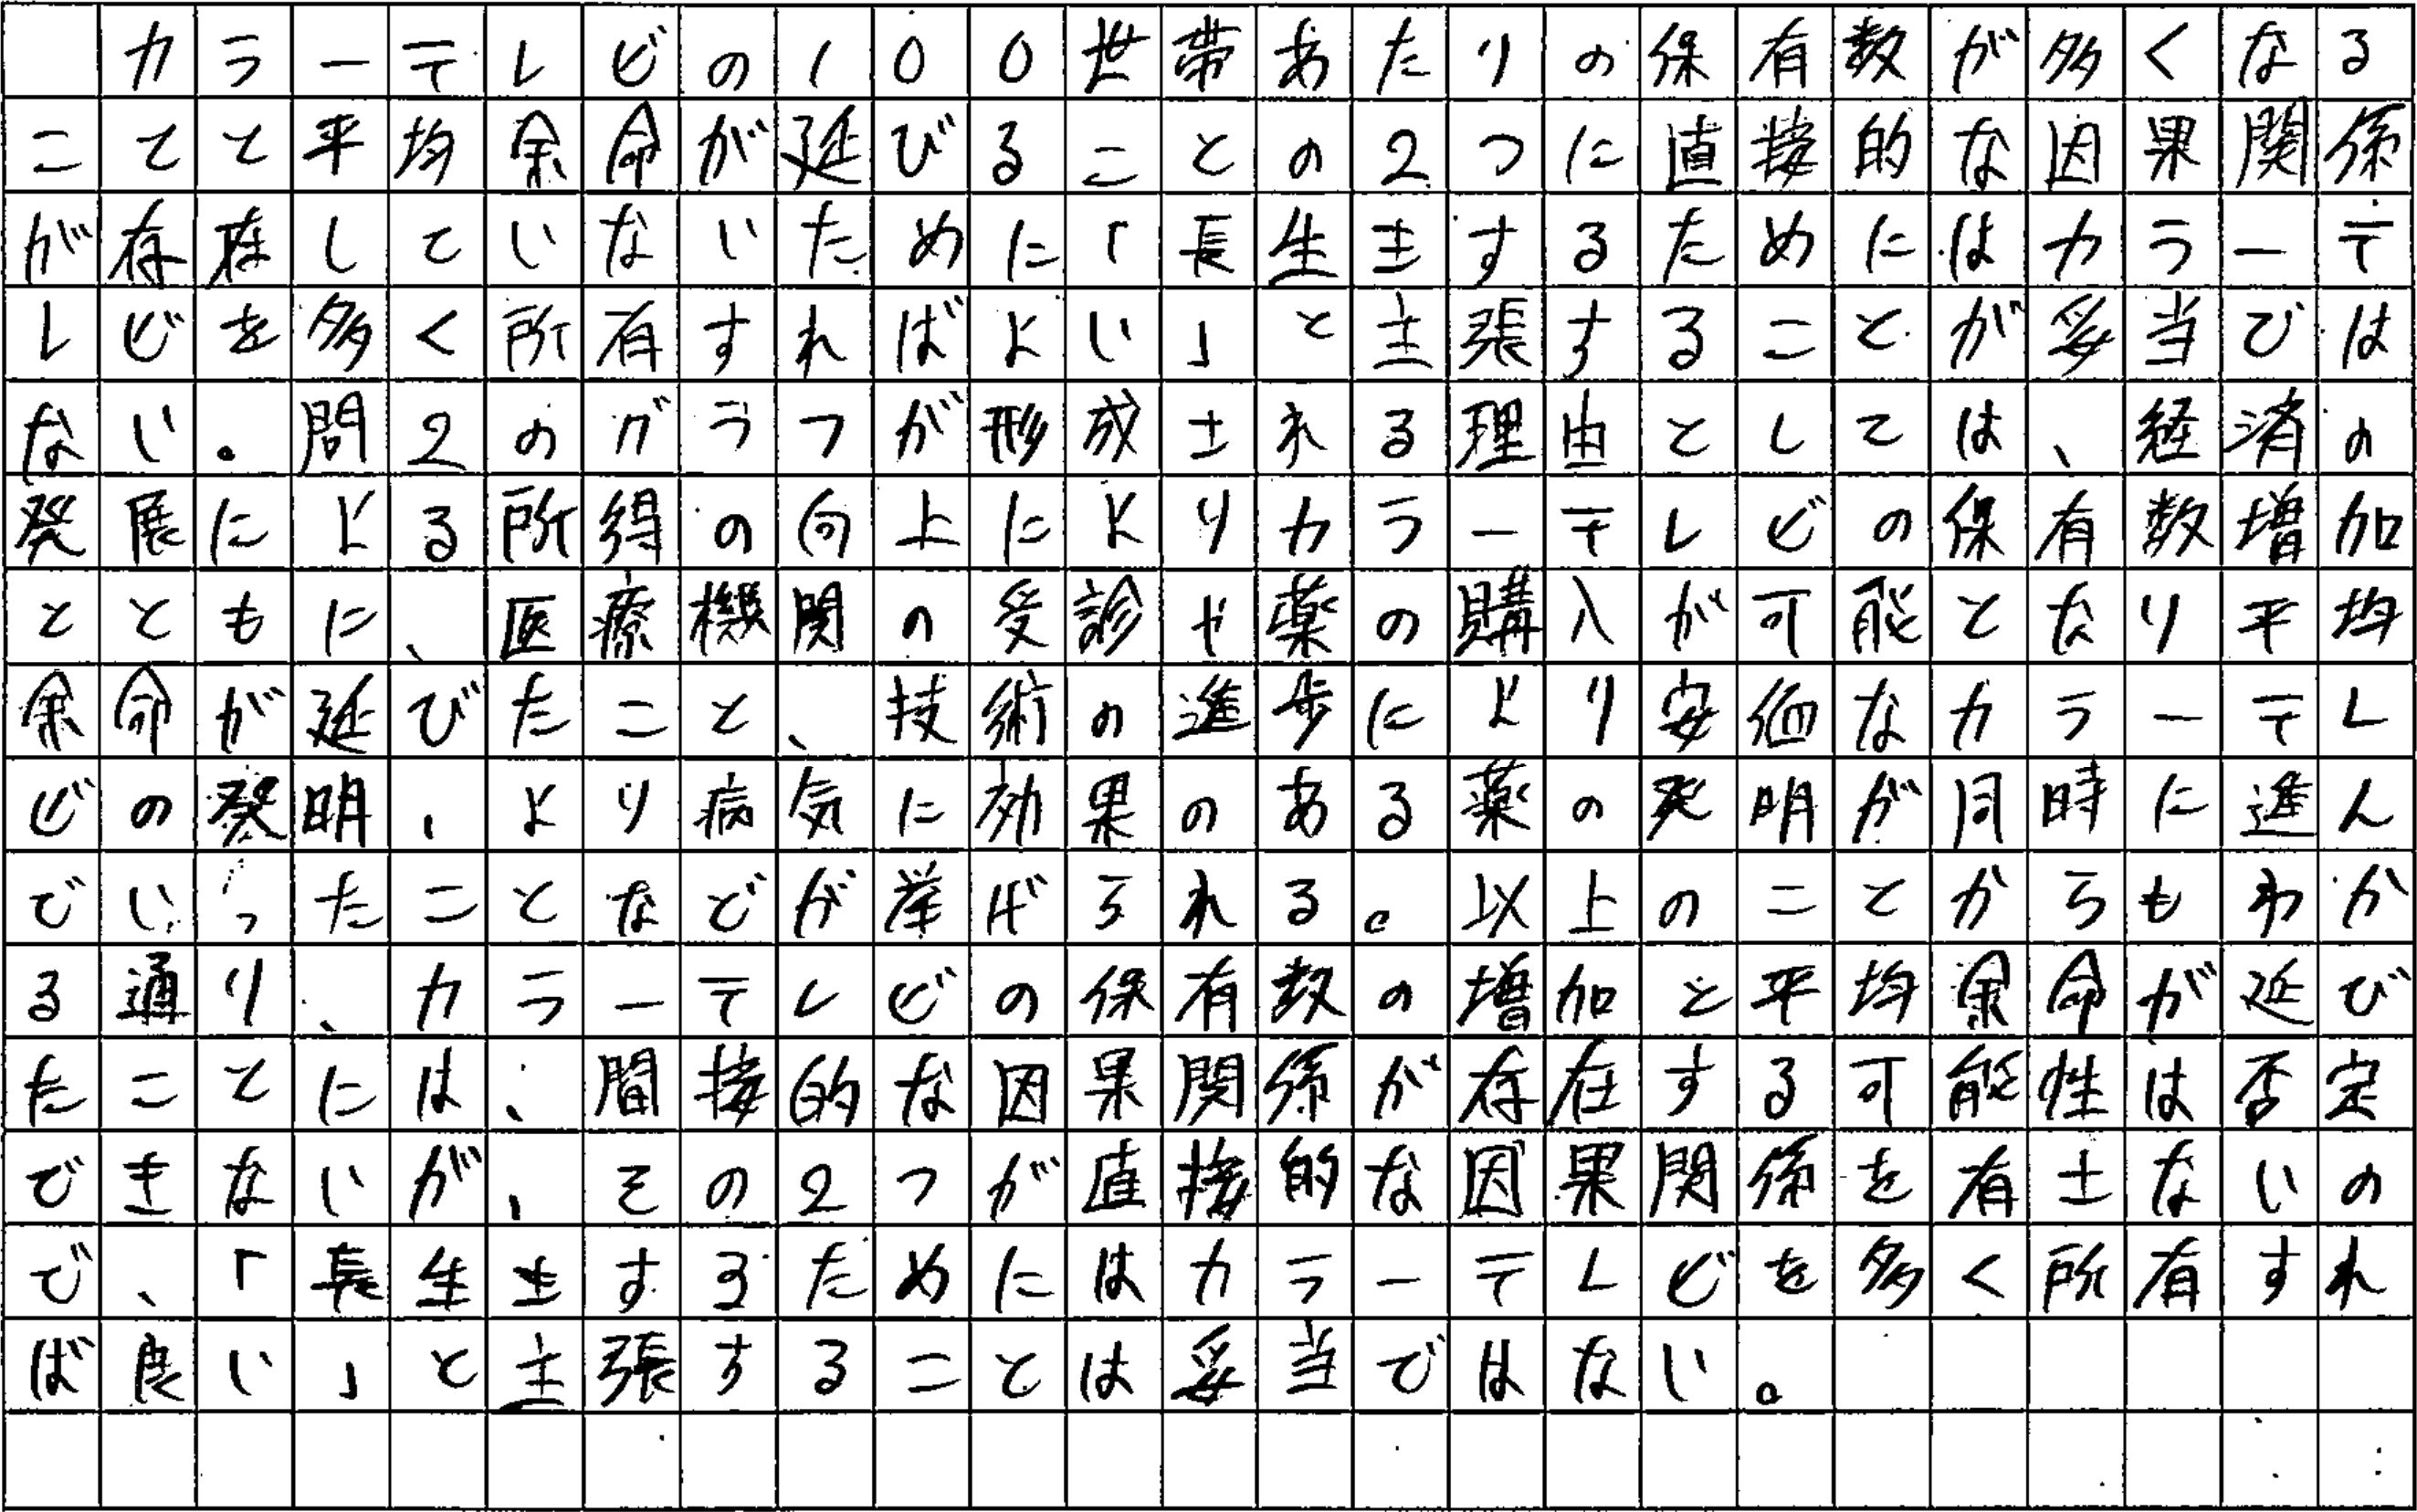　カラーテレビの１００世帯あたりの保有数が多くなることと平均余命が延びることの２つに直接的な因果関係が存在していないために「長生きするためにはカラーテレビを多く所有すればよい」と主張することが妥当ではない。問２のグラフが形成される理由としては、経済の発展による所得の向上によりカラーテレビの保有数増加とともに、医療機関の受診や薬の購入が可能となり平均余命が延びたこと、技術の進歩により安価なカラーテレビの発明、より病気に効果のある薬の発明が同時に進んでいったことなどが挙げられる。以上のことからもわかる通り、カラーテレビの保有数の増加と平均余命が延びたことには、間接的な因果関係が存在する可能性は否定できないが、その２つが直接的な因果関係を有さないので、「長生きするためにはカラーテレビを多く所有すれば良い」と主張することは妥当ではない。
